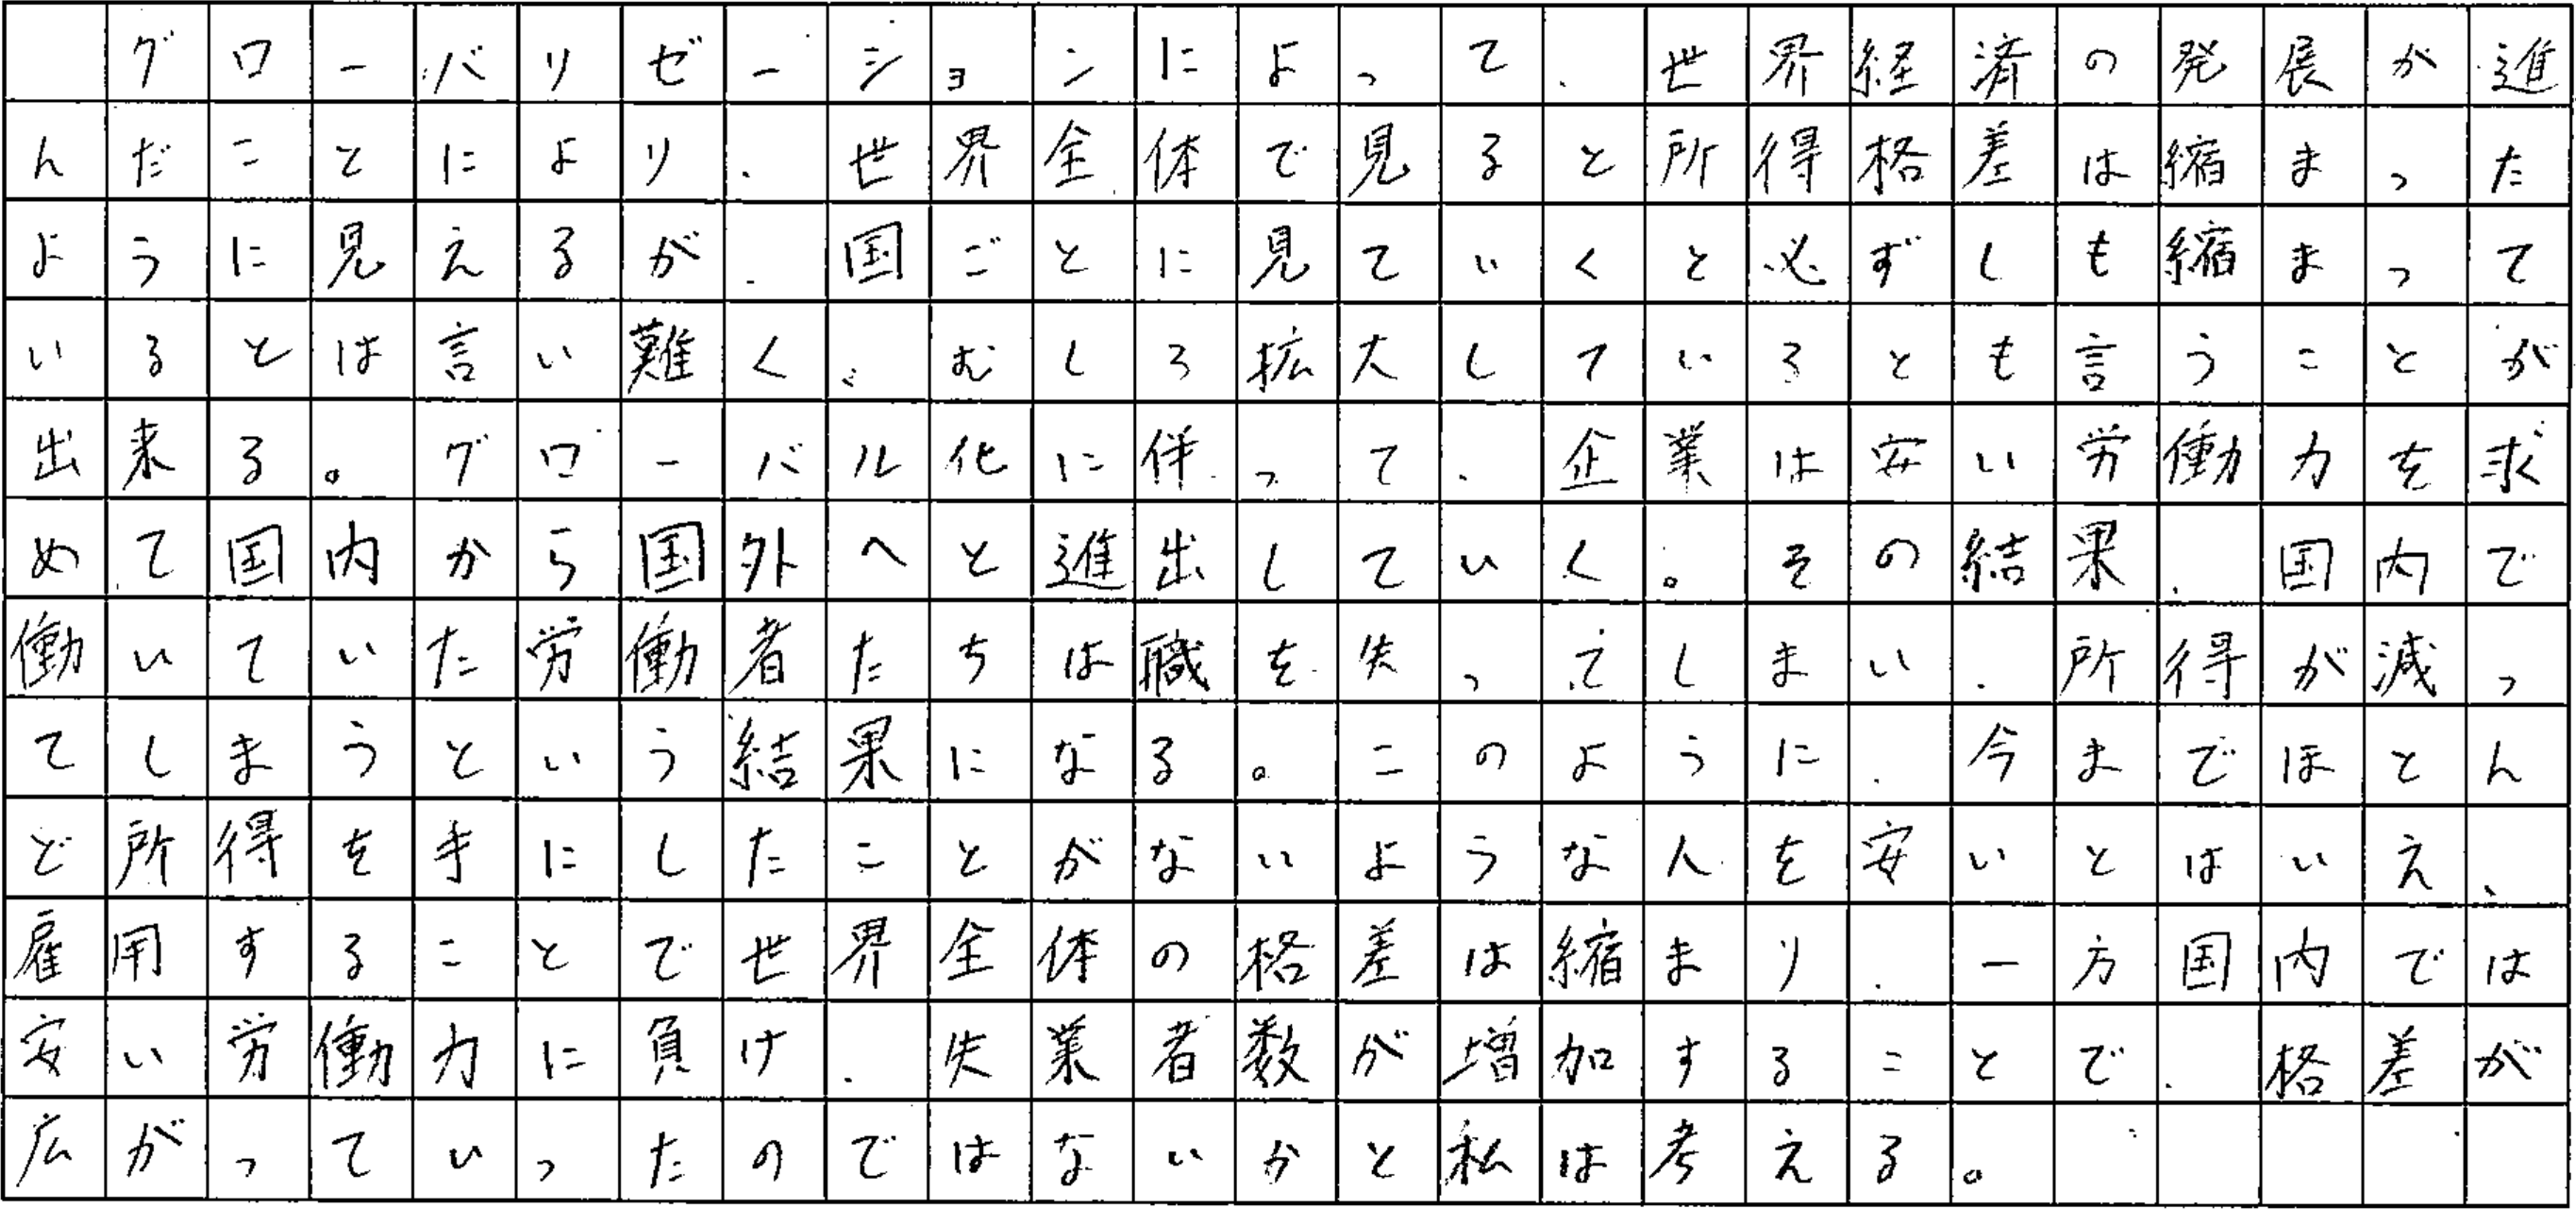　グローバリゼーションによって、世界経済の発展が進んだことにより、世界全体で見ると所得格差は縮まったように見えるが、国ごとに見ていくと必ずしも縮まっているとは言い難く、むしろ拡大しているとも言うことが出来る。グローバル化に伴って、企業は安い労働力を求めて国内から国外へと進出していく。その結果、国内で働いていた労働者たちは職を失ってしまい、所得が減ってしまうという結果になる。このように、今までほとんど所得を手にしたことがないような人を安いとはいえ、雇用することで世界全体の格差は縮まり、一方国内では安い労働力に負け、失業者数が増加することで、格差が広がっていったのではないかと私は考える。
